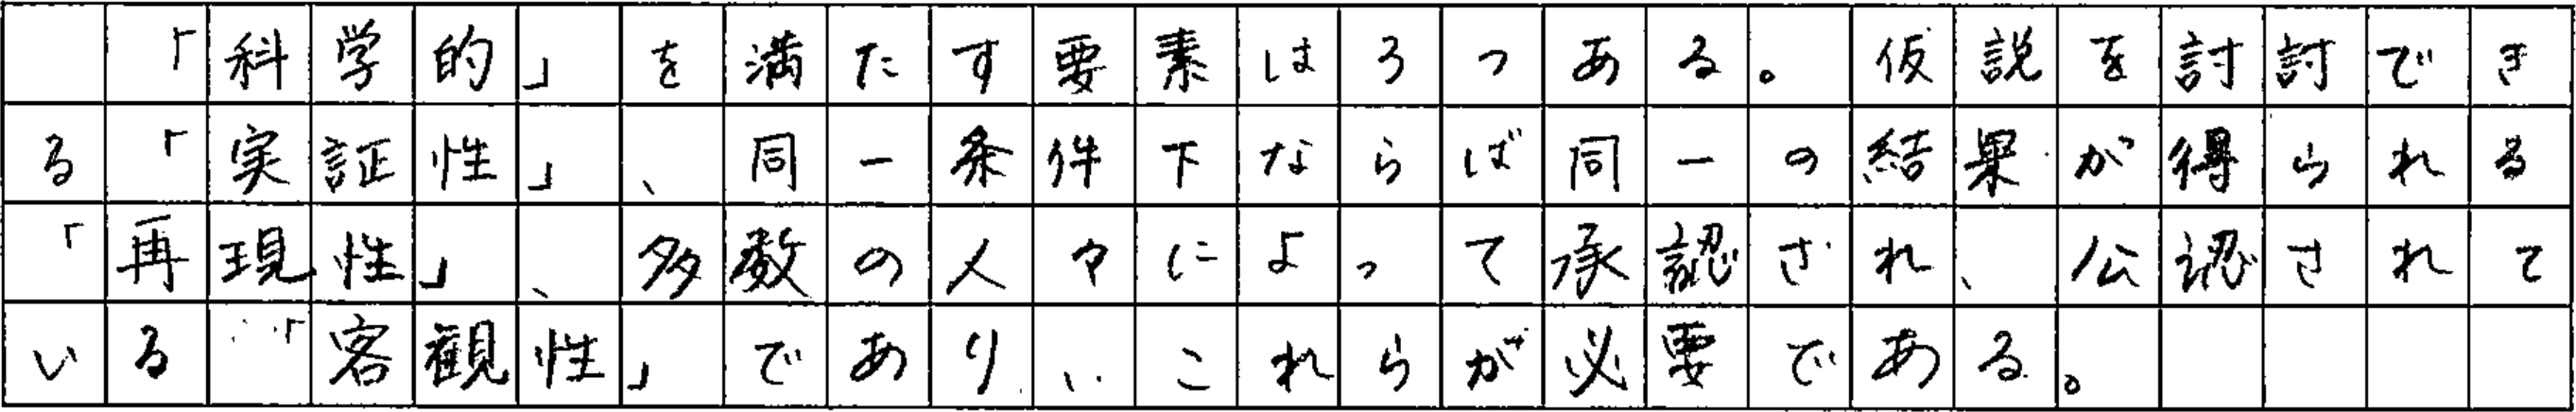　「科学的」を満たす要素は３つある。仮説を討討できる「実証性」、同一条件下ならば同一の結果が得られる「再現性」、多数の人々によって承認され、公認されている「客観性」であり、これらが必要である。
